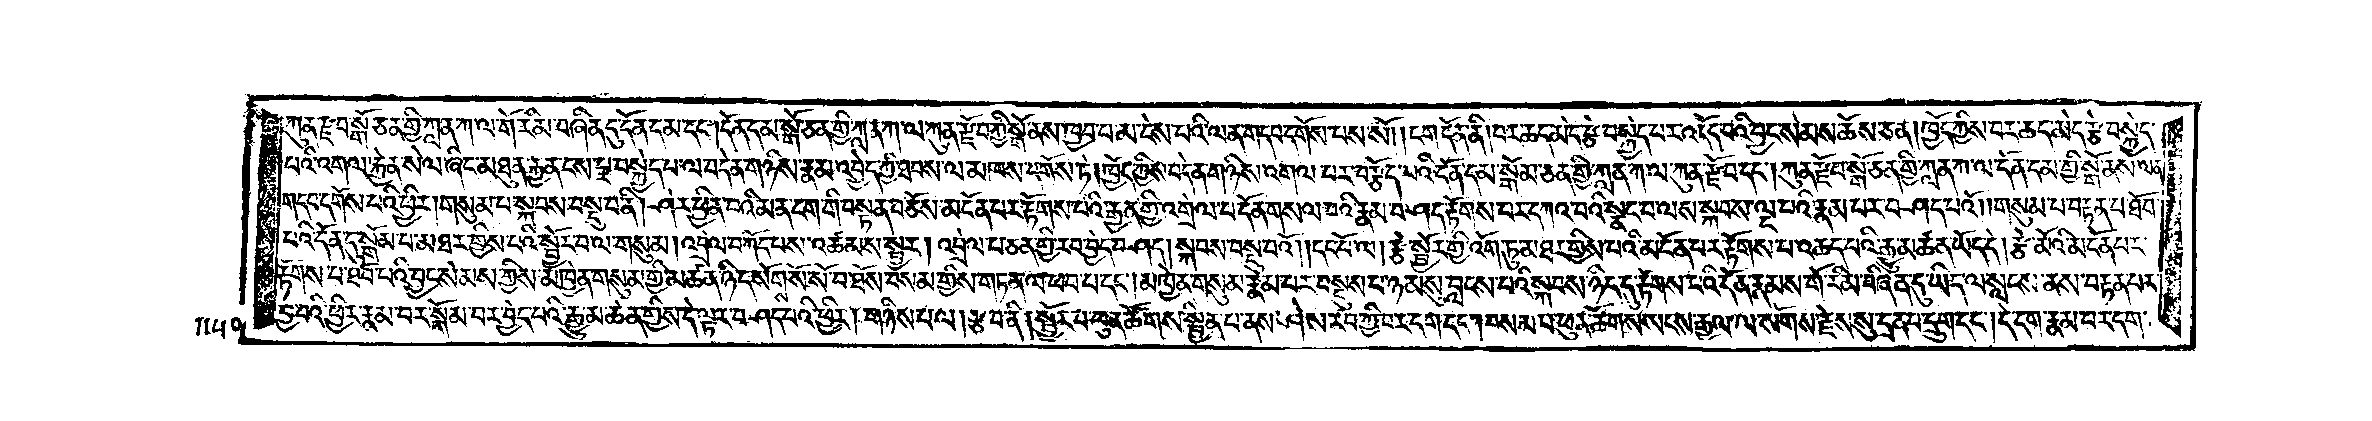ཀུན་རྫོབ་སྒོ་ཅན་གྱི་ཀླན་ཀ་ལ་གོ་རིམ་བཞིན་དུ་དོན་དམ་དང་། དོན་དམ་སྒོ་ཅན་གྱི་ཀླན་ཀ་ལ་ཀུན་རྫོབ་ཀྱི་སྒོ་ནས་ཁྱབ་པ་མ་ངེས་པའི་ལན་གདབ་དགོས་པས་སོ། །ངག་དོན་ནི། བར་ཆད་མེད་རྩེ་བསྐྱེད་པར་འདོད་པའི་བྱང་སེམས་ཆོས་ཅན། ཁྱོད་ཀྱིས་བར་ཆད་མེད་རྩེ་བསྐྱེད་
པའི་འགལ་རྐྱེན་སེལ་ཞིང་མཐུན་རྐྱེན་ངེས་པར་བསྐྱེད་པ་ལ་བདེན་གཉིས་རྣམ་འབྱེད་ཀྱི་ཐབས་ལ་མཁས་དགོས་ཏེ། ཁྱོད་ཀྱིས་བདེན་གཉིས་འགལ་བར་བརྩོད་པའི་དོན་དམ་སྒོམ་ཅན་གྱི་ཀླན་ཀ་ལ་ཀུན་རྫོབ་དང་། ཀུན་རྫོབ་སྒོ་ཅན་གྱི་ཀླན་ཀ་ལ་དོན་དམ་གྱི་སྒོ་ནས་ལན་
གདབ་དགོས་པའི་ཕྱིར། གསུམ་པ་སྐབས་བསྡུ་བ་ནི། ཤེར་ཕྱིན་པའི་མན་ངག་གི་བསྟན་བཅོས་མངོན་པར་རྟོགས་པའི་རྒྱན་གྱི་འགྲེལ་བ་དོན་གསལ་བའི་རྣམ་བཤད་རྟོགས་པར་དཀའ་བའི་སྣང་བ་ལས་སྐབས་ལྔ་པའི་རྣམ་པར་བཤད་པའོ། །གསུམ་པ་བརྟན་པ་ཐོབ་
པའི་དོན་དུ་སྒོམ་པ་མཐར་གྱིས་པའི་སྦྱོར་བ་ལ་གསུམ། འབྲེལ་བཀོད་པས་འཚམས་སྦྱར། འབྲེལ་པ་ཅན་གྱི་རབ་བྱེད་བཤད། སྐབས་བསྡུ་བའོ། །དང་པོ་ལ། རྩེ་སྦྱོར་གྱི་འོག་ཏུ་མཐར་གྱིས་པའི་མངོན་པར་རྟོགས་པ་འཆད་པའི་རྒྱུ་མཚན་ཡོད་དེ། རྩེ་མོའི་མངོན་པར་
རྟོགས་པ་ཐོབ་པའི་བྱང་སེམས་ཀྱིས་མཁྱེན་གསུམ་གྱི་མཚན་ཉིད་སོགས་སོ་སོ་བ་ཐོས་བསམ་གྱིས་གཏན་ལ་ཕབ་པ་དང་། མཁྱེན་གསུམ་རྣམ་པར་བསྡུས་པ་ཉམས་སུ་བླངས་པའི་སྐབས་ཉིད་དུ་རྟོགས་པའི་དོན་རྣམས་གོ་རིམ་བཞིན་དུ་ཡིད་ལ་སླངས་ནས་བརྟན་པར་
བྱ་བའི་ཕྱིར་རྣམ་པར་སྒོམ་པར་བྱེད་པའི་རྒྱུ་མཚན་གྱིས་དེ་ལྟར་བཤད་པའི་ཕྱིར། གཉིས་པ་ལ། རྩ་བ་ནི། སྦྱོར་བ་ཕུན་ཚོགས་སྦྱིན་པ་ནས་ཤེས་རབ་ཀྱི་བར་དག་དང་། བསམ་པ་ཕུན་ཚོགས་སངས་རྒྱས་ལ་སོགས་རྗེས་སུ་དྲན་པ་དྲུག་དང་། དེ་དག་རྣམ་པར་དག་